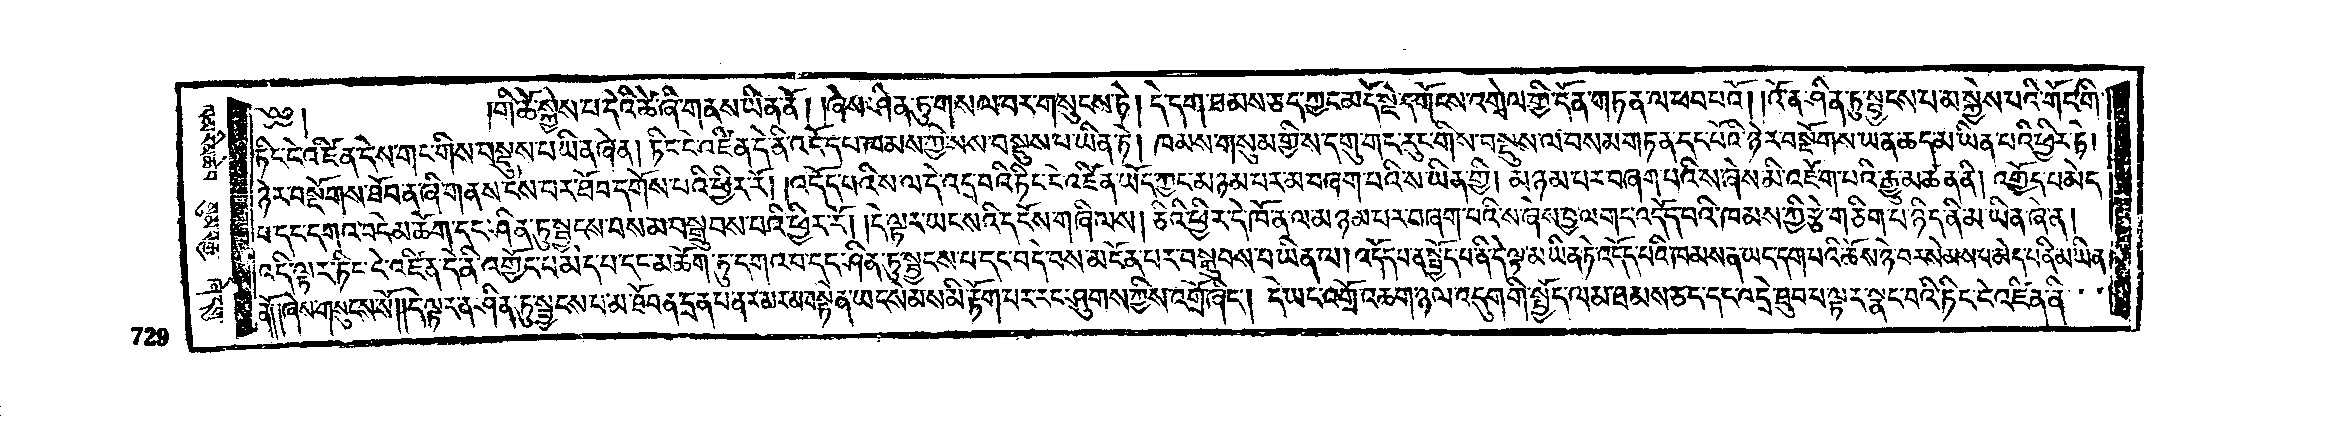༄༅། །གི་ཚེ་སྐྱེས་པ་དེའི་ཚེ་ཞི་གནས་ཡིན་ནོ། །ཞེས་ཤིན་ཏུ་གསལ་བར་གསུངས་ཏེ། དེ་དག་ཐམས་ཅད་ཀྱང་མདོ་སྡེ་དགོངས་འགྲེལ་གྱི་དོན་གཏན་ལ་ཕབ་པའོ། །འོ་ན་ཤིན་ཏུ་སྦྱངས་པ་མ་སྐྱེས་པའི་གོང་གི་
ཏིང་ངེ་འཛིན་དེ་ས་གང་གིས་བསྡུས་པ་ཡིན་ཞེ་ན། ཏིང་ངེ་འཛིན་དེ་ནི་འདོད་པ་ཁམས་ཀྱི་སས་བསྡུས་པ་ཡིན་ཏེ། ཁམས་གསུམ་གྱི་ས་དགུ་གང་རུང་གིས་བསྡུས་ལ་བསམ་གཏན་དང་པོའི་ཉེར་བསྡོགས་ཡན་ཆད་མ་ཡིན་པའི་ཕྱིར་ཏེ།
ཉེར་བསྡོགས་ཐོབ་ན་ཞི་གནས་ངེས་པར་ཐོབ་དགོས་པའི་ཕྱིར་རོ། །འདོད་པའི་ས་ལ་དེ་འདྲ་བའི་ཏིང་ངེ་འཛིན་ཡོད་ཀྱང་མཉམ་པར་མ་བཞག་པའི་ས་ཡིན་གྱི། མཉམ་པར་བཞག་པའི་ས་ཞེས་མི་འཇོག་པའི་རྒྱུ་མཚན་ནི། འགྱོད་པ་མེད་
པ་དང་དགའ་བདེ་མཆོག་དང་ཤིན་ཏུ་སྦྱངས་པས་མ་བསྒྲུབས་པའི་ཕྱིར་རོ། །དེ་ལྟར་ཡང་སའི་དངོས་གཞི་ལས། ཅིའི་ཕྱིར་དེ་ཁོ་ན་ལ་མཉམ་པར་བཞག་པའི་ས་ཞེས་བྱ་ལ་གང་འདོད་པའི་ཁམས་ཀྱི་རྩེ་གཅིག་པ་ཉིད་ནི་མ་ཡིན་ཞེ་ན།
འདི་ལྟར་ཏིང་ངེ་འཛིན་དེ་ནི་འགྱོད་པ་མེད་པ་དང་མཆོག་ཏུ་དགའ་བ་དང་ཤིན་ཏུ་སྦྱངས་པ་དང་བདེ་བས་མངོན་པར་བསྒྲུབས་པ་ཡིན་ལ། འདོད་པ་ན་སྦྱོད་པ་ནི་དེ་ལྟ་མ་ཡིན་ཏེ་འདོད་པའི་ཁམས་ན་ཡང་དག་པའི་ཆོས་ཉེ་བར་སེམས་པ་མེད་པ་ནི་མ་ཡིན་
ནོ༑ ༑ཞེས་གསུངས་སོ། །དེ་ལྟར་ན་ཤིན་ཏུ་སྦྱངས་པ་མ་ཐོབ་ན་དྲན་པ་ནར་མར་མ་བསྟེན་ཡང་སེམས་མི་རྟོག་པར་རང་ཤུགས་ཀྱིས་འགྲོ་ཞིང་། དེ་ཡང་འགྲོ་འཆག་ཉལ་འདུག་གི་སྤྱོད་ལམ་ཐམས་ཅད་དང་འདྲེ་ཐུབ་པ་ལྟར་སྣང་བའི་ཏིང་ངེ་འཛིན་ནི་